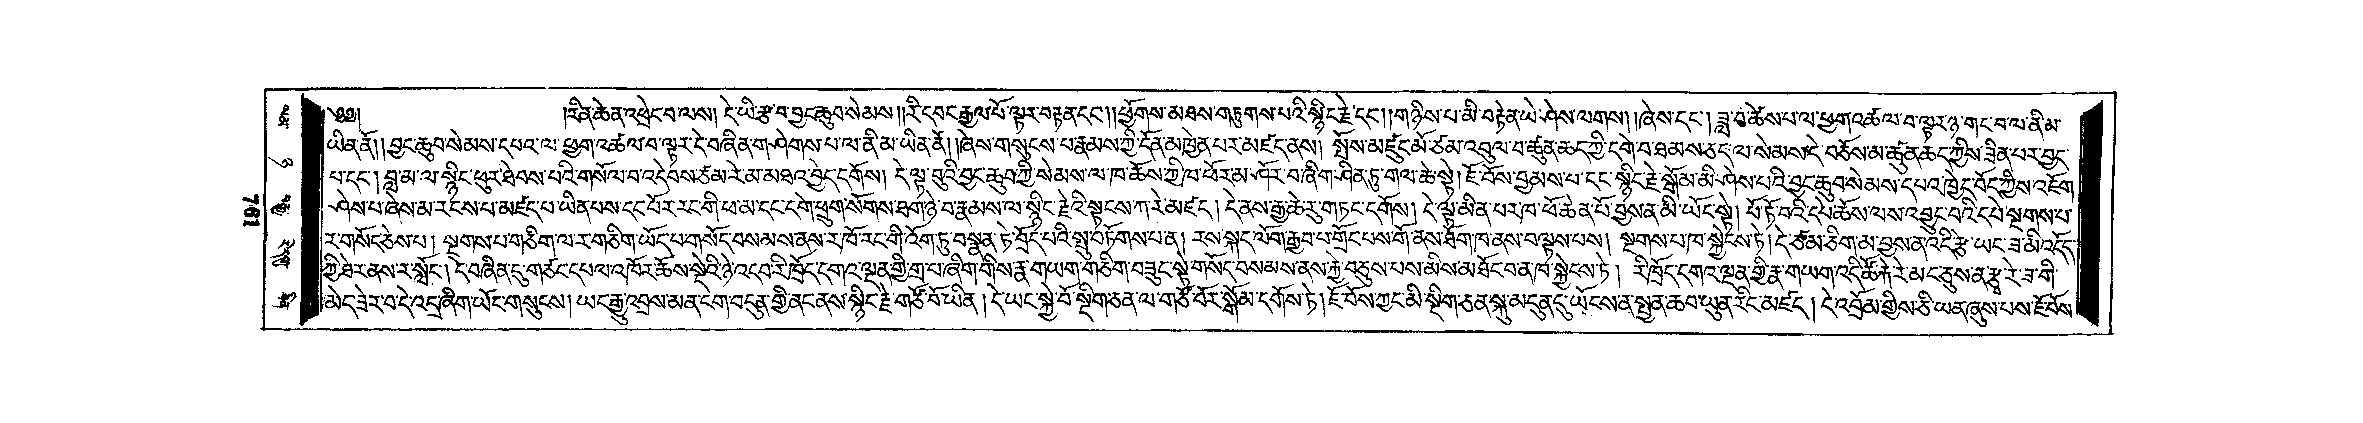༄༅། །རིན་ཆེན་འཕྲེང་བ་ལས། དེ་ཡི་རྩ་བ་བྱང་ཆུབ་སེམས། །རི་དབང་རྒྱལ་པོ་ལྟར་བརྟན་དང་། །ཕྱོགས་མཐས་གཏུགས་པའི་སྙིང་རྗེ་དང་། །གཉིས་པ་མི་བརྟེན་ཡེ་ཤེས་ལགས། །ཞེས་དང་། ཟླ་བ་ཚེས་པ་ལ་ཕྱག་འཚལ་བ་ལྟར་ཉ་གང་བ་ལ་ནི་མ་
ཡིན་ནོ། །བྱང་ཆུབ་སེམས་དཔའ་ལ་ཕྱག་འཚལ་བ་ལྟར་དེ་བཞིན་གཤེགས་པ་ལ་ནི་མ་ཡིན་ནོ། །ཞེས་གསུངས་པ་རྣམས་ཀྱི་དོན་མཁྱེན་པར་མཛད་ནས། སྤོས་མཛུང་མོ་ཙམ་འབུལ་བ་ཚུན་ཆད་ཀྱི་དགེ་བ་ཐམས་ཅད་ལ་སེམས་དེ་བཅོས་མ་ཚུན་ཆད་ཀྱིས་ཟིན་པར་བྱེད་
པ་དང་། བླ་མ་ལ་སྙིང་ཕུར་ཐེབས་པའི་གསོལ་བ་འདེབས་ཙམ་རེ་མ་མཐའ་བྱེད་དགོས། དེ་ལྟ་བུའི་བྱང་ཆུབ་ཀྱི་སེམས་ལ་ཁ་ཆོས་ཀྱི་ཁ་ཕོར་མ་ཤོར་བ་ཞིག་ཤིན་ཏུ་གལ་ཆེ་སྟེ། ཇོ་བོས་བྱམས་པ་དང་སྙིང་རྗེ་སྒོམ་མི་ཤེས་པའི་བྱང་ཆུབ་སེམས་དཔའ་ཁྱེད་བོད་ཀྱིས་འཇོག་
ཤེས་པ་ཞེས་མ་རངས་པ་མཛད་པ་ཡིན་པས་དང་པོར་རང་གི་ཕ་མ་དང་དགེ་ཕྲུག་སོགས་ཐག་ཉེ་བ་རྣམས་ལ་སྙིང་རྗེའི་སྟངས་ཀ་རེ་མཛད། དེ་ནས་རྒྱ་ཆེ་རུ་གཏང་དགོས། དེ་ལྟ་མིན་པར་ཁ་ཕོ་ཆེན་པོ་བྱས་ན་མི་ཡོང་སྟེ། པོ་ཏོ་བའི་དཔེ་ཆོས་ལས་འབྱུང་བའི་དཔེ་སྔགས་པ་
ར་གསོད་ཅེས་པ། སྔགས་པ་གཅིག་ལ་ར་གཅིག་ཡོད་པ་གསོད་བསམས་ནས་ར་ཁོ་རང་གི་འོག་ཏུ་བསྣན་ཏེ་བྲོད་པའི་སྤུ་བཏོགས་པ་ན། རས་སྐད་ལོག་རྒྱབ་པ་གྲོང་པས་གོ་ནས་ཐོག་ཁ་ནས་བལྟས་པས། སྔགས་པ་ཁ་སྐྱེངས་ཏེ། དེ་ཙམ་ཅིག་མ་བྱས་ན་འདི་རྩེ་ཡང་ཟ་མི་འདོད་
ཀྱི་ཐེར་ནས་ར་སློང་། དེ་བཞིན་དུ་གཙང་དཔལ་འཁོར་ཆོས་སྡེའི་ཉེ་འདབ་རི་ཁྲོད་དགའ་ལྡན་གྱི་གྲ་པ་ཞིག་གིས་རྣ་གཡག་གཅིག་བཟུང་སྟེ་གསོད་བསམས་ནས་རྐྱེ་བཅུས་པས་མིས་མཐོང་བ་ན་ཁ་སྐྱེངས་ཏེ། རི་ཁྲོད་དགའ་ལྡན་གྱི་རྣ་གཡག་འདི་ཚོ་རྐེ་རེ་མང་ཅུས་ན་རྩྭ་རེ་ཟ་གི་
མེད་ཟེར་བ་དེ་འདྲ་ཞིག་ཡོང་གསུངས། ཡང་རྒྱུ་འབྲས་མན་ངག་བདུན་གྱི་ནང་ནས་སྙིང་རྗེ་གཙོ་བོ་ཡིན། དེ་ཡང་སྐྱེ་བོ་སྡིག་ཅན་ལ་གཙོ་བོར་སྒོམ་དགོས་ཏེ། ཇོ་བོས་ཀྱང་མི་སྡིག་ཅན་སྐུ་མདུན་དུ་ཡོངས་ན་སྤྱན་ཆབ་ཡུན་རིང་མཛད། དེ་འབྲོམ་གྱིས་ཅི་ཡན་ཞུས་པས་ཇོ་བོས་